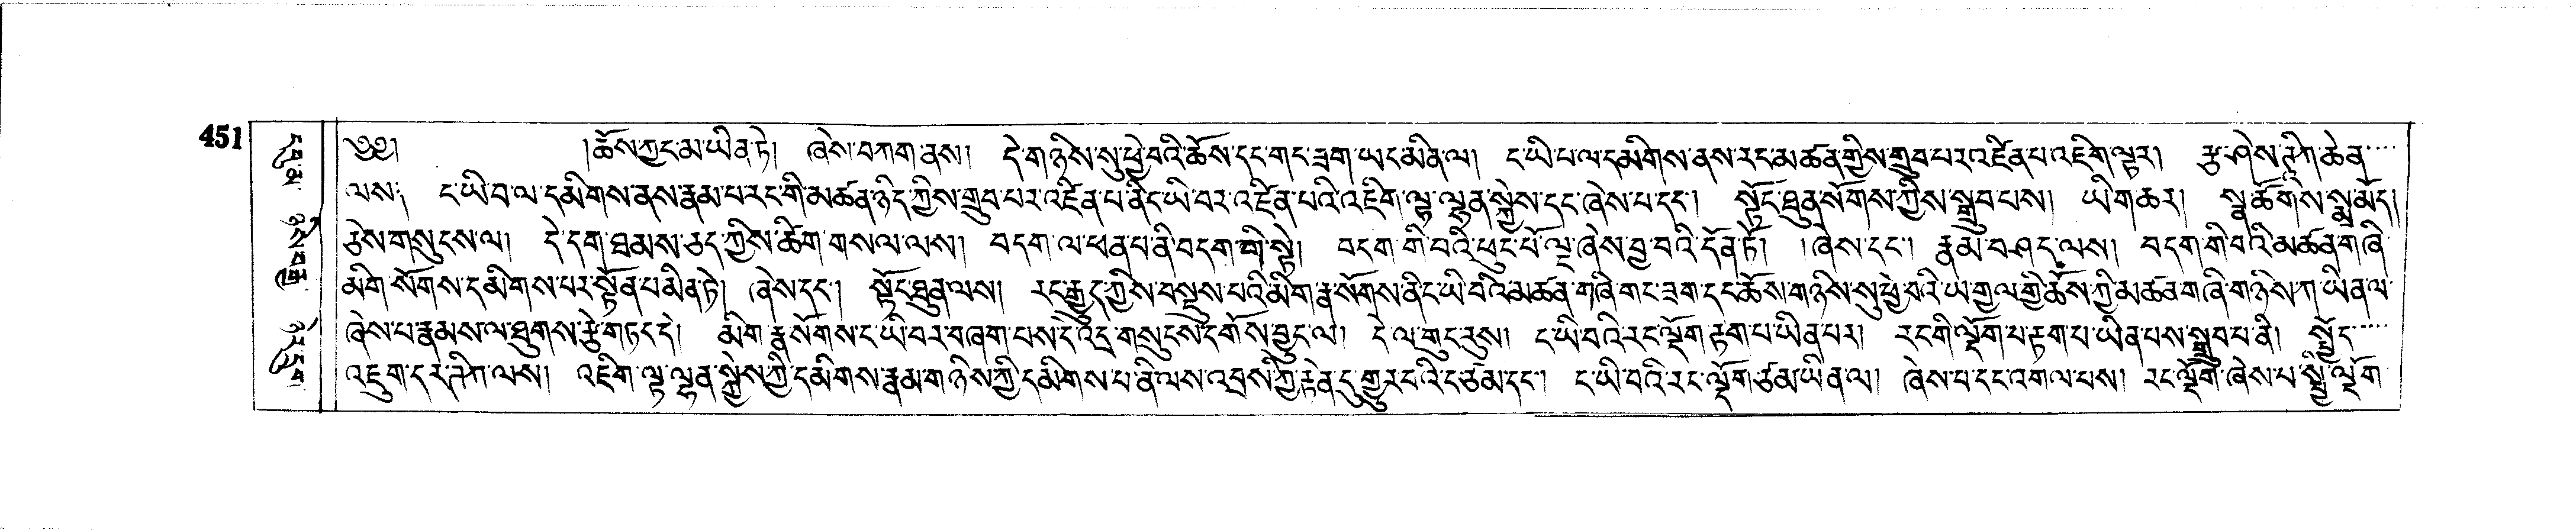༄༅། །ཆོས་ཀྱང་མ་ཡིན་ཏེ། ཞེས་བཀག་ནས། དེ་གཉིས་སུ་ཕྱེ་བའི་ཆོས་དང་གང་ཟག་ཡང་མིན་ལ། ང་ཡི་པ་ལ་དམིགས་ནས་རང་མཚན་གྱིས་གྲུབ་པར་འཛིན་པ་འཇིག་ལྟར། རྩ་ཤེས་ཊཱིཀ་ཆེན་
ལས། ང་ཡི་བ་ལ་དམིགས་ནས་རྣམ་པར་ང་གི་མཚན་ཉིད་ཀྱིས་གྲུབ་པར་འཛིན་པ་ནི་ང་ཡི་བར་འཛིན་པའི་འཇིག་ལྟ་ལྷན་སྐྱེས་དང་ཞེས་པ་དང་། སྟོང་ཐུན་སོགས་ཀྱིས་སྒྲུབ་པས། ཡིག་ཆར། སྣ་ཚོགས་སྨྲ་མོད།
ཅེས་གསུངས་ལ། དེ་དག་ཐམས་ཅད་ཀྱིས་ཚིག་གསལ་ལས། བདག་ལ་ཕན་པ་ནི་བདག་གི་སྟེ། བདག་གི་བའི་ཕུང་པོ་ལྔ་ཞེས་བྱ་བའི་དོན་ཏོ། །ཞེས་དང་། རྣམ་བཤད་ལས། བདག་གི་བའི་མཚན་གཞི་
མིག་སོགས་དམིགས་པར་སྟོན་པ་མིན་ཏེ། ཞེས་དང་། སྟོང་ཐུན་ལས། རང་རྒྱུད་ཀྱིས་བསྡུས་པའི་མིག་རྣ་སོགས་ནི་ང་ཡི་བའི་མཚན་གཞི་གང་ཟག་དང་ཆོས་གཉིས་སུ་ཕྱེ་བའི་ཡ་གྱལ་གྱི་ཆོས་ཀྱི་མཚན་གཞི་གཉིས་ཀ་ཡིན་ལ་
ཞེས་པ་རྣམས་ལ་ཐུགས་རྩེ་གཏང་དེ། མིག་རྣ་སོགས་ང་ཡི་བར་བཞག་པས་དེ་འདྲ་གསུངས་དགོས་བྱུང་ལ། དེ་ལ་གུང་རུས། ང་ཡི་བའི་རང་ལྡོག་རྟག་པ་ཡིན་པར། རང་གི་ལྡོག་པ་རྟག་པ་ཡིན་པས་སྒྲུབ་པ་ནི། སྤྱོད་
འཇུག་དར་ཊིཀ་ལས། འཇིག་ལྟ་ལྷན་སྐྱེས་ཀྱི་དམིགས་རྣམ་གཉིས་ཀྱི་དམིགས་པ་ནི་ལས་འབྲས་ཀྱི་རྟེན་དུ་གྱུར་བའི་ང་ཙམ་དང་། ང་ཡི་བའི་རང་ལྡོག་ཙམ་ཡིན་ལ། ཞེས་པ་དང་འགལ་པས། རང་ལྡོག་ཞེས་པ་སྤྱི་ལྡོག་